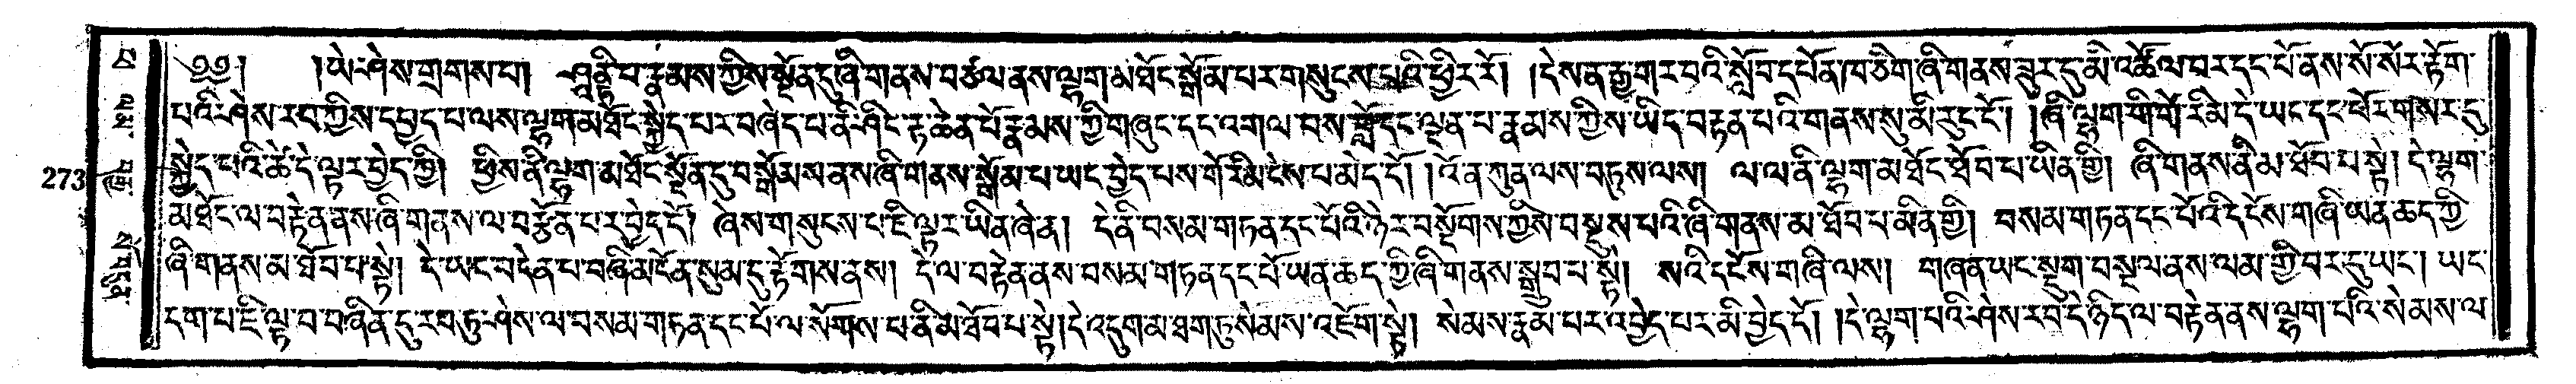༄༅། །ཡེ་ཤེས་གྲགས་པ། ཤཱནྟི་བ་རྣམས་ཀྱིས་སྔོན་དུ་ཞི་གནས་བཙལ་ནས་ལྷག་མཐོང་སྒོམ་མ་པར་གསུངས་པའི་ཕྱིར་རོ། །དེས་ན་རྒྱ་གར་བའི་སློབ་དཔོན་ཁ་ཅིག་ཞི་གནས་ཟུར་དུ་མི་འཚོལ་བར་དང་པོ་ནས་སོ་སོར་རྟོག་
པའི་ཤེས་རབ་ཀྱིས་དཔྱད་པ་ལས་ལྷག་མཐོང་སྐྱེད་པར་བཞེད་པ་ནི་ཤིང་རྟ་ཆེན་པོ་རྣམས་ཀྱི་གཞུང་དང་འགལ་བས་གློ་དང་ལྡན་པ་རྣམས་ཀྱིས་ཡིད་བརྟན་པའི་གནས་སུ་མི་རུང་ངོ། །ཞི་ལྷག་གི་གོ་རིམ་དེ་ཡང་དང་པོར་གསར་དུ་
སྐྱེད་པའི་ཚེ་དེ་ལྟར་བྱེད་ཀྱི། ཕྱིས་ནི་ལྷག་མཐོང་སྔོན་དུ་བསྒོམས་ནས་ཞི་གནས་སྒོམ་པ་ཡང་བྱེད་པས་གོ་རིམ་ངེས་པ་མེད་དོ། །འོ་ན་ཀུན་ལས་བཏུས་ལས། ལ་ལ་ནི་ལྷག་མཐོང་ཐོབ་པ་ཡིན་གྱི། ཞི་གནས་ནི་མ་ཐོབ་པ་སྟེ། དེ་ལྷག་
མཐོང་ལ་བརྟེན་ནས་ཞི་གནས་ལ་བརྩོན་པར་བྱེད་དོ། ཞེས་གསུངས་པ་ཇི་ལྟར་ཡིན་ཞེ་ན། དེ་ནི་བསམ་གཏན་དང་པོའི་ཉེར་བསྔོགས་ཀྱིས་བསྡུས་པའི་ཞི་གནས་མ་ཐོབ་པ་མིན་གྱི། བསམ་གཏན་དང་པོའི་དངོས་གཞི་ཡན་ཆད་ཀྱི་
ཞི་གནས་མ་ཐོབ་པ་སྟེ། དེ་ཡང་བདེན་པ་བཞི་མངོན་སུམ་དུ་རྟོགས་ནས། དེ་ལ་བརྟེན་ནས་བསམ་གཏན་དང་པོ་ཡན་ཆད་ཀྱི་ཞི་གནས་སྒྲུབ་པ་སྟེ། སའི་དངོས་གཞི་ལས། གཞན་ཡང་སྡུག་བསྔལ་ནས་ལམ་གྱི་བར་དུ་ཡང་། ཡང་
དག་པ་ཇི་ལྟ་བ་བཞིན་དུ་རབ་ཏུ་ཤེས་ལ་བསམ་གཏན་དང་པོ་ལ་སོགས་པ་ནི་མཐོབ་པ་སྟེ། དེ་འདུག་མ་ཐག་ཏུ་སེམས་འཇོག་སྟེ། སེམས་རྣམ་པར་འབྱེད་པར་མི་བྱེད་དོ། །དེ་ལྷག་པའི་ཤེས་རབ་དེ་ཉིད་ལ་བརྟེན་ནས་ལྷག་པའི་སེམས་ལ་